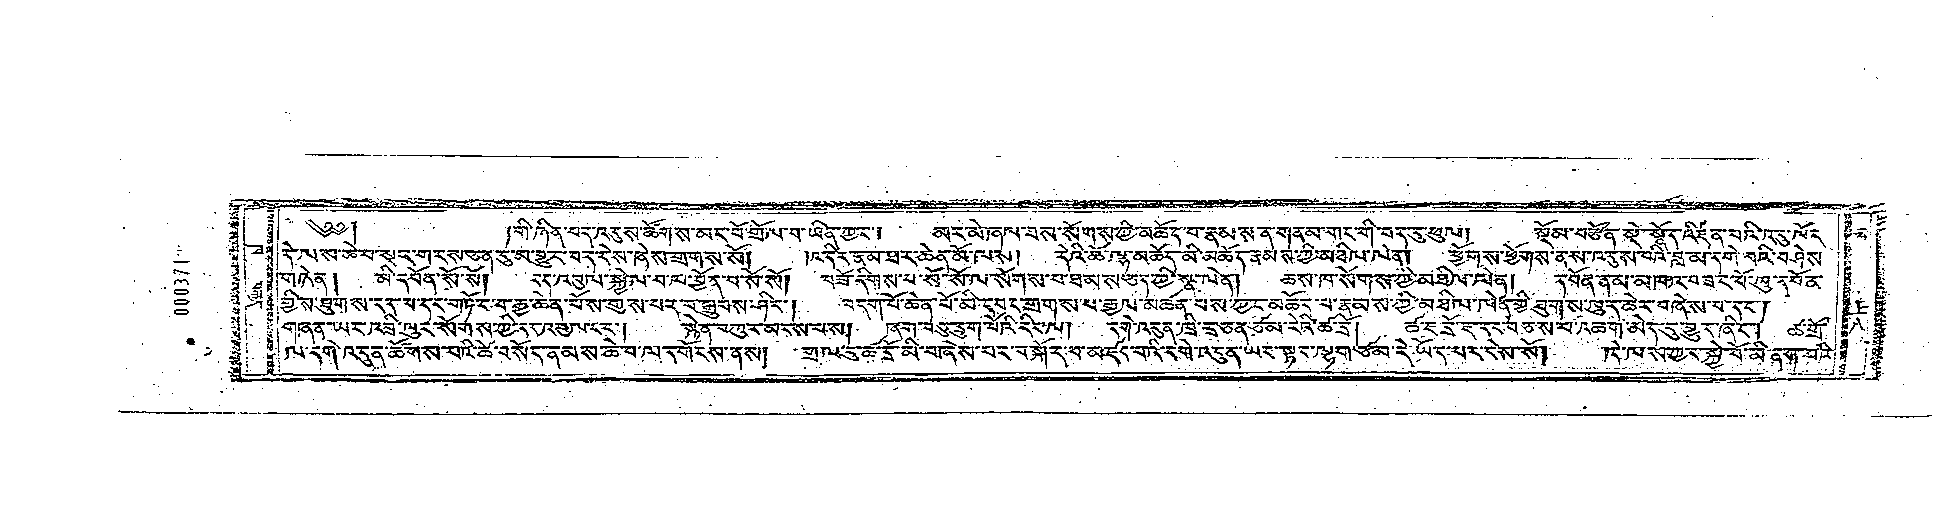༄༅། །གི་ཉིན་པར་འདུས་ཚོགས་མང་པོ་གྲོལ་བ་ཡིན་ཀྱང་། མར་མེ་ཞལ་ཟས་སོགས་ཀྱི་མཆོད་པ་རྣམས་ན་གནམ་གང་གི་བར་དུ་ཕུལ། སྡོམ་བརྩོན་སྡེ་སྣོད་འཛིན་པའི་འདུ་ལོང་
དེ་ལས་ཆེ་བ་སྔར་གངས་ཅན་དུ་མ་བྱུང་བར་ངེས་ཞེས་གྲགས་སོ། །འདིར་རྣམ་ཐར་ཆེན་མོ་ལས། དེའི་ཚེ་ལྷ་མཆོད་མི་མཆོད་རྣམས་ཀྱི་མཐིལ་ལེན། ཕྱོགས་ཕྱོགས་ནས་འདུས་པའི་བླ་མ་དགེ་བའི་བཤེས་
གཉེན། མི་དཔོན་སོ་སོ། རང་འབུལ་སྐྱེལ་བ་ལ་བྱོན་པ་སོ་སོ། བཟོ་རིགས་པ་སོ་སོ་ལ་སོགས་པ་ཐམས་ཅད་ཀྱི་སྣ་ལེན། ཆས་ཁ་སོགས་ཀྱི་མཐིལ་ལེན། དབོན་ནམ་མཁའ་བཟང་པོ་ཁུ་དབོན་
གྱིས་ཐུགས་དང་པ་དང་གཏོང་བ་རྒྱ་ཆེན་པོས་གུས་པར་བསྒྲུབས་ཤིང་། བདག་པོ་ཆེན་པོ་མི་དབང་གྲགས་པ་རྒྱལ་མཚན་པས་ཀྱང་མཆོད་པ་རྣམས་ཀྱི་མཐིལ་ལེན་གྱི་ཐུགས་ཁྲུར་ཆེར་བཞེས་པ་དང་།
གཞན་ཡང་འབྲི་ལུང་སོགས་ཀྱི་དང་འབུལ་དང་། སྙེན་བཀུར་མངས་པས། ཞག་བཅུ་དྲུག་པོའི་རིང་ལ། དགེ་འདུན་ཁྲི་རྭ་ཅན་ཙམ་རིའི་ཚ་དྲོ། ཚ་ཇ་དྲོ་ད་དང་བཅས་པ་འཆག་མེད་དུ་བྱུང་ཞིང་། ཚ་གྲོ་
ལ་དགེ་འདུན་ཚོགས་པའི་ཚེ་བསོད་ནམས་ཆེ་བ་ལ་དགོངས་ནས། གྲལ་དུ་ཚ་དྲོ་མི་བཞེས་པར་བསྐོར་བ་མཛད་པའི་དགེ་འདུན་ཡང་སྟོང་ལྷག་ཙམ་རེ་ཡོད་པར་ངེས་སོ། །དེ་ལས་ཀྱང་སྐྱེ་བོ་མི་ནག་པའི་